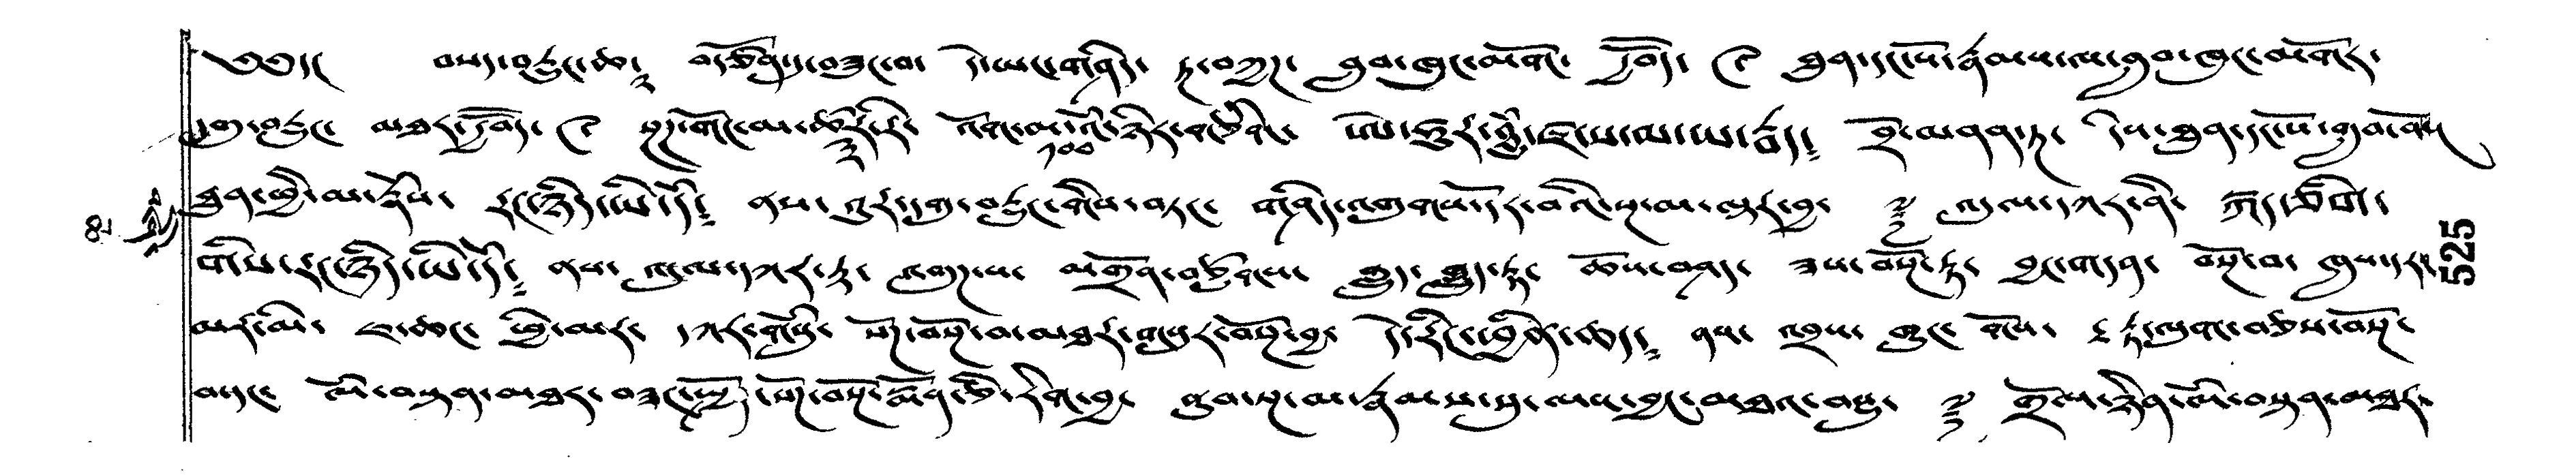བསད་བརྡུང་ཆ་གཉིས། བརྩོན་དུ་བཟུང་བ།དེ་ཡང་གཤེད༴ རྔ་བཀྱགས། བྲུབ་ཁུང་འགོ རྒྱོབ་སོད་དགུ། ཐུན་དང་པོ་རྣམས་ལ་བྲུབ་ཁུང་འགོར་
དགུ་བརྡུང་། མཐར་རྒྱོབ་སོད་དགུ སྔགས་གོང་མ་ཚར་གསུམ་རེ། འོག་མ་བརྒྱའམ་ཉེར་གཅིག ཨེ་ཧུར་ཐུ་མ་ཛ་ས་མ་ཡ་རྦད༴ བྲོ་མནན། རྔ། དེས་ཐུན་དང་པོ་གྲུབ་བོ། 
ཐུན་ཕྱི་མ་རྣམས། རང་ཉིད་ཡི་དམ༴ ནས་འུར་དགུ་རྡུང་གིས་བཏང་། གཤེད་འགུགས་དོར་བའི་སྔ་མ་ལྟར་བྱ། ༈ འདུལ་དཀར་ནི། སྐད་ཅིག་
གིས་རང་ཉིད་ཡི་དམ༴ ནས། འདུལ་དཀར་རྟ། འགུགས་པ། མགྲོན་བཙུགས། གླུད། གླུད་རྟ། ཆོས་བཤད། ཟས་བསྔོ་རྟ། བྱང་གདན། བསྔོ་བ། ཁྲུས་དར། 
མར་མེ། ཇ་ཆང་། ཕྱེ་མར། དཀར་གསུམ། སོགས་བསྔོ་བ་མཐར་གསུར་བསྔོ་བྱ། དེ་རིང་ཕྱིན་ཆད༴ ནས། འབྲས། ཁྱུང་། གོས། ༈ རྟ་ལུག་བཅས་བསྔོ་
བ་དང་། ལམ་བསྟན་མཐར་བཟང་སྤྱོད་སོགས་བསྔོ་སྨོན་ཅི་རིགས་བྱ། ནུབ་སྔ་མ་རྣམས་སུ་ལས་བྱང་མཐའ་བསྡུ། ༈ གྲོལ་ཉིན་ལམ་བསྟན་མཐར་